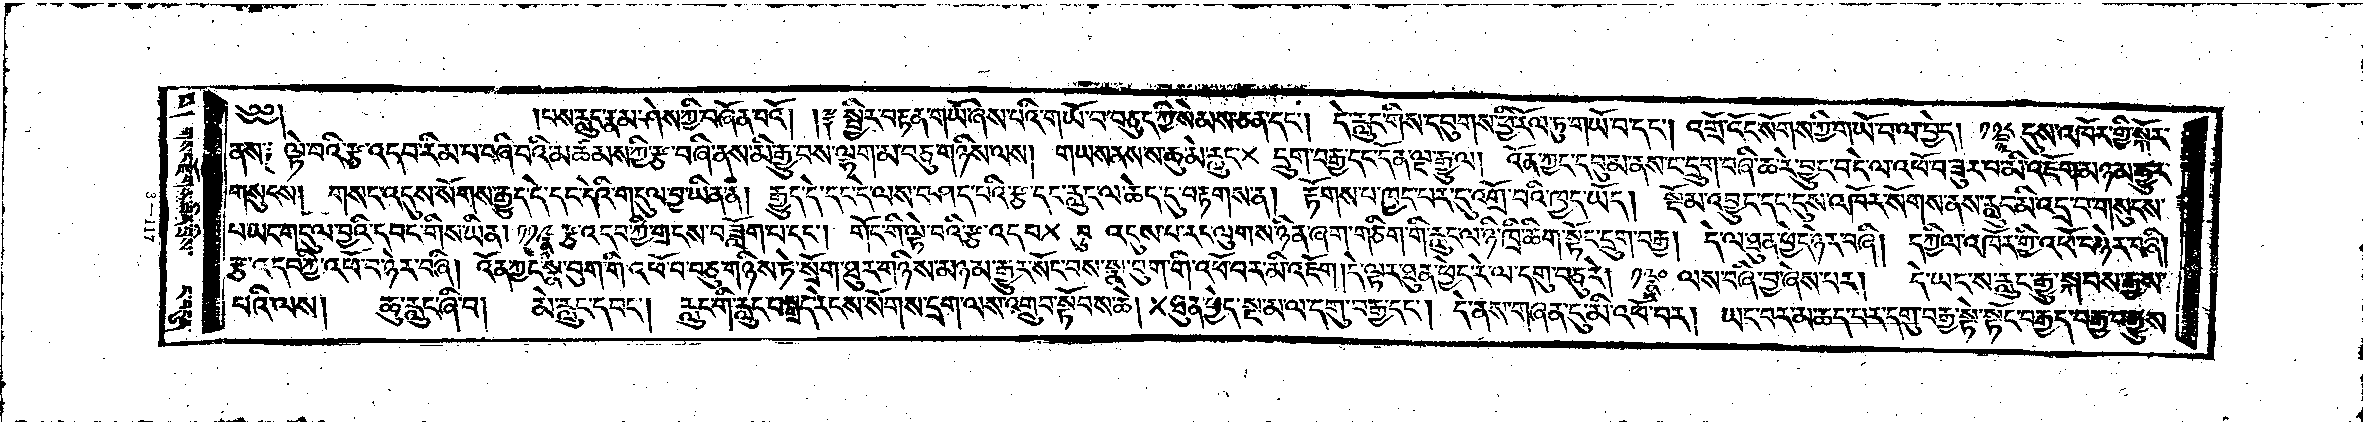༄༅། །པས་རླུང་རྣམ་ཤེས་ཀྱི་བཞོན་བའོ། །༈ སྤྱིར་བརྟན་གཡོ་ཞེས་པའི་གཡོ་བ་བཅུད་ཀྱི་སེམས་ཅན་དང་། དེ་རླུང་གིས་དབུགས་ཕྱི་རོལ་ཏུ་གཡོ་བ་དང་། འགྲོ་དོང་སོགས་ཀྱི་གཡོ་བ་ལ་བྱེད། ༡༡༨་དུས་འཁོར་གྱི་སྐོར་
ནས༑ ལྟེ་བའི་རྩ་འདབ་རིམ་པ་བཞི་པའི་མཚམས་ཀྱི་རྩ་བཞི་ནས་མི་རྒྱུ་བས་ལྷག་མ་བཅུ་གཉིས་ལས། གཡས་ནས་ས་ཆུ་མེ་རླུང་྾་དྲུག་བརྒྱད་དང་དོན་ལྔ་རྒྱུ་ལ། འོན་ཀྱང་དབུ་མ་ནས་ང་དྲུག་བཞི་ཆ་རེ་བྱུང་བདེ་ལ་འཕོ་བ་ཟུར་བ་མི་འཇོག་མཉམ་རྒྱུར་
གསུངས། གསང་འདུས་སོགས་རྒྱུད་དེ་དང་དེའི་གདུལ་བྱ་ཡིན་ནོ། རྒྱུད་དེ་དང་དེ་ལས་བཤད་པའི་རྩ་དང་རླུང་ལ་ཆེད་དུ་བརྟགས་ན། རྟོགས་པ་ཁྱད་པར་དུ་འགྲོ་བའི་ཁྱད་ཡོད། སྡོམ་འབྱུང་དང་དུས་འཁོར་སོགས་ནས་རླུང་མི་འདྲ་བ་གསུངས་
པ་མང་གདུལ་བྱའི་དབང་གིས་ཡིན། ༡༡༩་རྩ་འདབ་ཀྱི་གྲངས་བཟློག་པ་དང་། གོང་གི་ལྟེ་བའི་རྩ་འདབ྾་བ་འདུས་པ་རང་ལུགས་ཉིན་ཞག་གཅིག་གི་རླུང་ལ་ཉི་ཁྲི་ཆིག་སྟོང་དྲུག་བརྒྱ། དེ་ལ་ཐུན་ཕྱེད་ཉེར་བཞི། དཀྱིལ་འཁོར་གྱི་འཕོ་བ་ཉེར་བཞི།
རྩ་འདབ་གྱི་འཕོ་བ་ཉེར་བཞི། འོན་ཀྱང་སྣ་བུག་གི་འཕོ་བ་བཅུ་གཉིས་ཏེ་སྲོག་ཐུར་གཉིས་མཉམ་རྒྱུར་སོང་བས་སྣ་བུག་གི་འཕོ་བར་མི་འཇོག །དེ་ལྟར་ཐུན་ཕྱེད་རེ་ལ་དགུ་བཅུ་རེ། ༡༢༠་ལས་བཞི་བྱ་ཞེས་པར། དེ་ཡང་ས་རླུང་རྒྱུ་སྐབས་རྒྱས་
པ་ཞི་ལས། ཆུ་རླུང་ཞི་བ། མེ་རླུང་དབང་། རླུང་གི་རླུང་བསྒྲད་རེངས་སོགས་དྲག་ལས་འགྲུབ་སྟོབས་ཆེ། ྾་ཐུན་ཕྱེད་སྔ་མ་ལ་དགུ་བརྒྱད་དང་། དེ་ནས་གཞན་དུ་མི་འཕོ་བར། ཡང་བར་མཆད་པར་དགུ་བརྒྱ་སྟེ་སྟོང་བརྒྱད་བརྒྱ་བརྒྱུས་